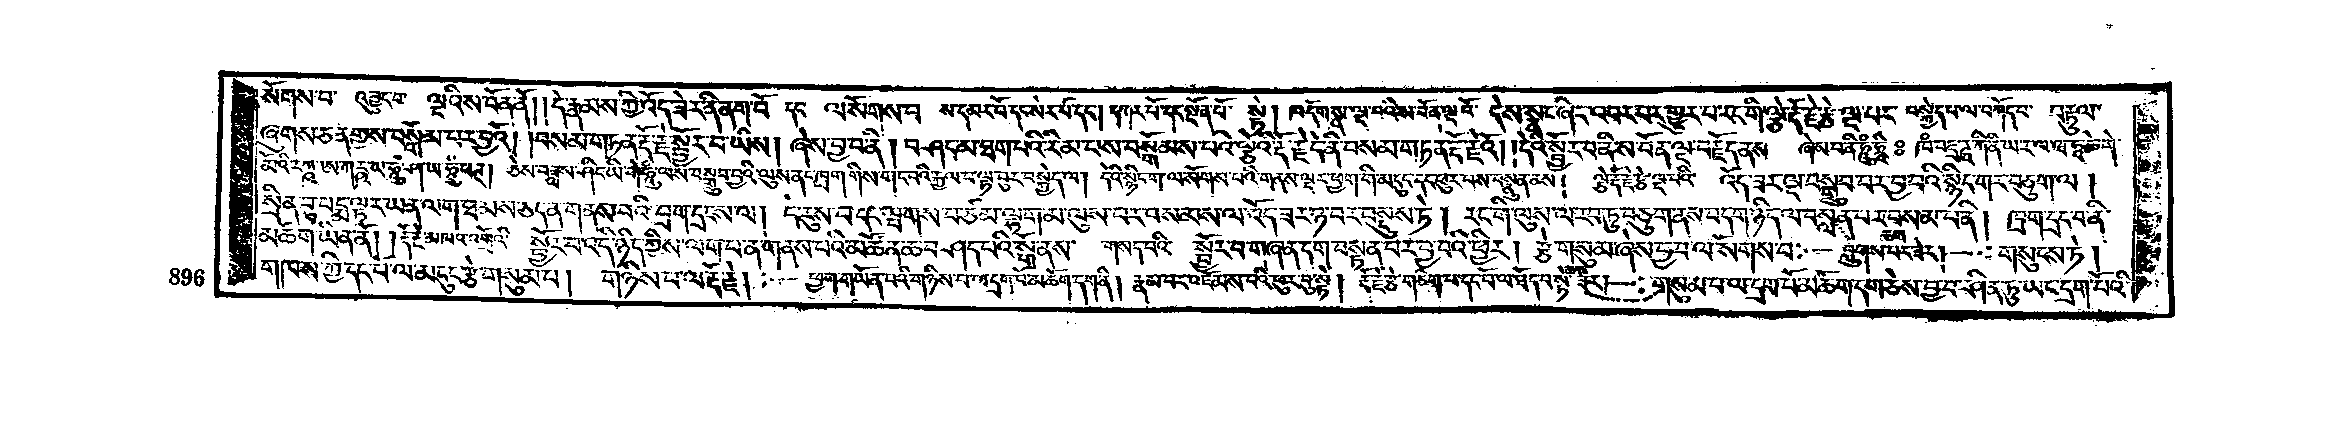སོགས་པ་འབྱུང་བ་ལྔའི་ས་བོན་ནོ། །དེ་རྣམས་ཀྱི་འོད་ཟེར་ནི་ནག་པོ་དང་ལ་སོགས་པས་དམར་པོ་དང་སེར་པོ་དང་། དཀར་པོ་དང་སྔོན་པོ་སྟེ། ཁ་དོག་སྣ་ལྔ་པའི་ས་བོན་ལྔ་པོ་དེས་སྣང་ཞིང་འབར་བར་གྱུར་པ་རང་གི་ལྕེ་རྡོ་རྗེ་རྩེ་ལྔ་པར་བསྐྱེད་པ་ལ་བཀོད་པ་བརྟུལ་
ཞུགས་ཅན་གྱིས་བསྒོམ་པར་བྱའོ། །བསམ་གཏན་རྡོ་རྗེ་སྦྱོར་བ་ཡིས། ཞེས་བྱ་བ་ནི། བཤད་མ་ཐག་པའི་རིམ་པས་བསྒོམས་པའི་ལྕེའི་རྡོ་རྗེ་དེ་ནི་བསམ་གཏན་རྡོ་རྗེའོ། །དེའི་སྦྱོར་བ་ནི་ས་བོན་ལྔ་བརྗོད་ནས་ཞེས་པ་ནི་ཧཱུཾ་ཧྲཱིཿ ཁཾ་བཛྲ་ཌཱ་ཀི་ནི་ཡ་ར་ལ་ཝ་ཧཱ་ཆེ་གེ་
མོའི་རཀྵ་ཨ་ཀརྵ་ཡ་ཧཱུཾ་ཤ་ཡ་ཧཱུཾ་ཕཊ། ཅེས་བཟླས་ཤིང་ཡི་གེ་ཧཱུཾ་ལས་བསྒྲུབ་བྱའི་ལུས་ནང་ཁྲག་གིས་གང་བའི་རྐྱལ་པ་ལྟ་བུར་བསྐྱེད་ལ། དེའི་སྙིང་ག་ལ་སོགས་པའི་གནས་ལྔར་ཕྱག་གི་མདུང་དང་ཕུར་པས་བསྣུན་ནས། ལྕེ་རྡོ་རྗེ་རྩེ་ལྔ་པའི་འོད་ཟེར་ལྔ་བསྒྲུབ་པར་བྱ་བའི་སྙིང་གར་བཅུག་ལ།
སྲིན་བུ་པདམ་ལྟར་ཡན་ལག་ཐམས་ཅད་ན་གནས་པའི་ཁྲག་དྲངས་ལ། དེ་རུས་པ་དང་ལྤགས་པ་ཙམ་ལྷག་མ་ལུས་པར་བསམས་ལ་འོད་ཟེར་ཉེ་བར་བསྡུས་ཏེ། རང་གི་ལུས་ལ་རབ་ཏུ་བཅུག་ནས་བདག་ཉིད་ལ་བསླན་པར་བསམ་པ་ནི། ཁྲག་དྲང་བ་ནི་
མཆོག་ཡིན་ནོ། ། རྡོ་རྗེ་མཁའ་འགྲོའི་སྦྱོར་བ་འདི་ཉིད་ཀྱིས་ལག་པ་ན་གནས་པའི་མཚོན་ཆ་བཤད་པའི་སྒོ་ནས་གསད་པའི་སྦྱོར་བ་གཞན་དག་བསྟན་པར་བྱ་བའི་ཕྱིར། རྩེ་གསུམ་ཞེས་བྱ་བ་ལ་སོགས་པ་བླུགས་ཆག་པར་ཟེར།  གསུངས་ཏེ།
གཡས་ཀྱི་དང་པོ་ལ་མདུད་རྩེ་གསུམ་པ། གཉིས་པ་ལ་རྡོ་རྗེ། H ཕྱག་གཡོན་པའི་གཉིས་པ་ལ་དྲག་པོ་མཆོག་དག་ནི། རྣམ་པར་འཇོམས་པའི་ཕུར་བུ་སྟེ། རྡོ་རྗེ་རྩེ་གཅིག་པ་དང་པོ་ལ་ཐོད་པ་སྟེ་ཆག་ཟེར།  H གསུམ་པ་ལ་དྲག་པོ་མཆོག་དག་ཅེས་བྱ་བ་ཤིན་ཏུ་ཡང་དྲག་པོའི་